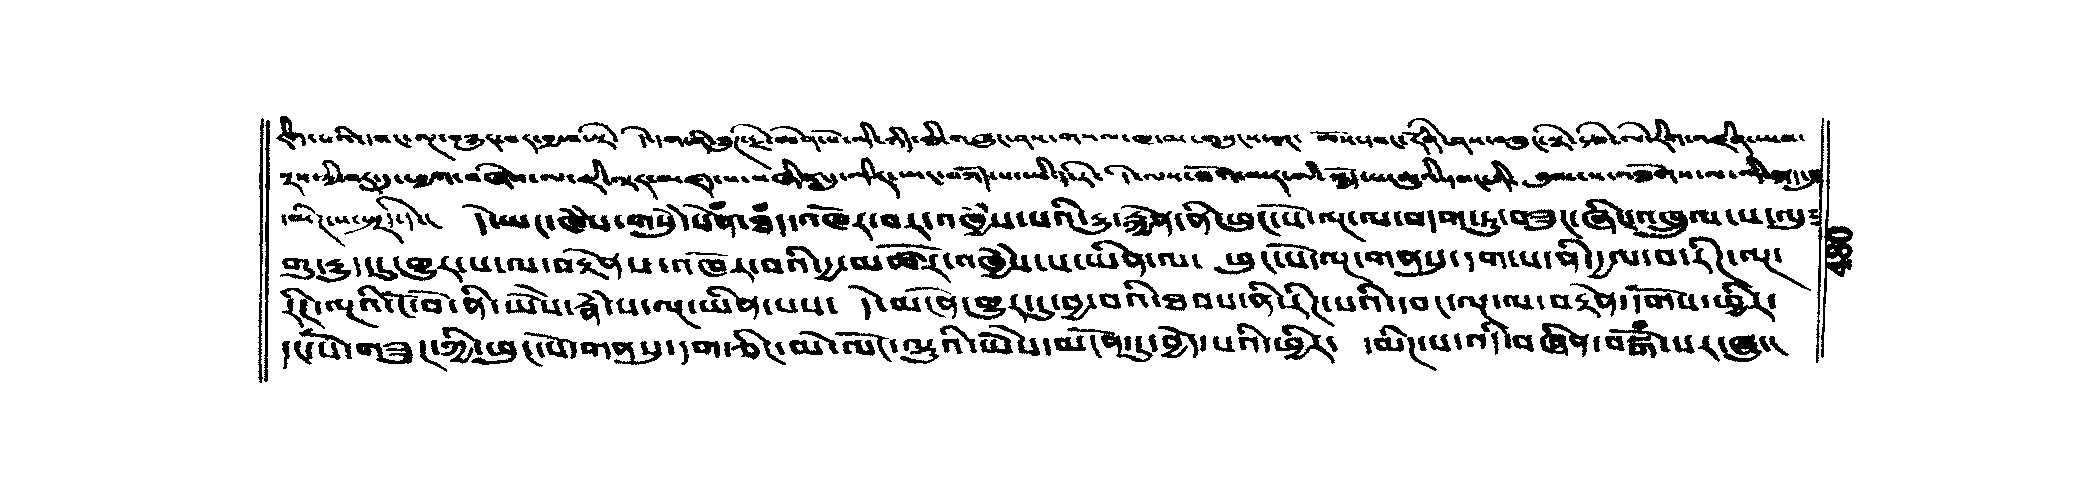རིག་པའི་དབང་ལྔ་བསྐུར་བར་བྱ་བ་སྟེ། དེ་དག་ནི་ཐུགས་རྗེ་ཆེན་པོ་འདི་ཉིད་ཀྱི་གཞུང་ནས་གསལ་ཁ་མ་གསུངས་ཀྱང་། ཆོས་དབང་རིན་པོ་ཆེ་ནས་བཟུང་སྟེ་རྩེ་ལེ་རིག་འཛིན་ཡབ་
སྲས་ཀྱི་བར་དུ་ཕྱག་བཞེས་ལ་ཇི་ལྟར་མཛད་པ་བཞིན་དུ་འདིར་ཡང་བཀོད་པ་ཡིན་ཏེ། དེ་ལས་ཐོག་མར་མི་སྐྱོད་པ་ཆུའི་དབང་ནི། བུམ་པ་འཐོགས་ལ་འདི་སྐད་དུ་
དམིགས་པ་སྤྲད་དེ། དེ་ཡང་ཁམས་གསུམ་སེམས་ཅན་ཐམས་ཅད་འཁོར་བར་འཁྱམས་པའི་རྒྱུ་རྐྱེན་ནི་ཕུང་པོ་ལྔ་ལ་བདག་ཏུ་བཟུང་ཞིང་འཁྲུལ་པ་ལུ་
གུ་རྒྱུད་དུ་གྱུར་པ་ལ་བརྟེན་ནས་འཁོར་བའི་རྒྱ་མཚོར་འཁྱམས་པ་ཡིན་ལ། ཕུང་པི་ལྔ་གནས་སུ་དག་པ་ནི་རྒྱལ་བ་རིགས་ལྔ་། 
རིགས་ལྔའི་ངོ་བོ་ནི་ཡེ་ཤེས་རྣམ་པ་ཡིན་པས། དེ་མངོན་གྱུར་དུ་བྱ་བའི་ཐབས་ནི་རིགས་པའི་དབང་ལྔ་ལ་བརྟེན་དགོས་ཕྱིར།
དང་པོ་གཟུགས་ཀྱི་ཕུང་པོ་གནས་སུ་དག་ཅིང་མེ་ལོང་ལྟ་བུའི་ཡེ་ཤེས་མངོན་དུ་བྱེད་ཕྱིར། དམིགས་པ་འདི་བཞིན་བསྒོམ་པར་ཞུ།